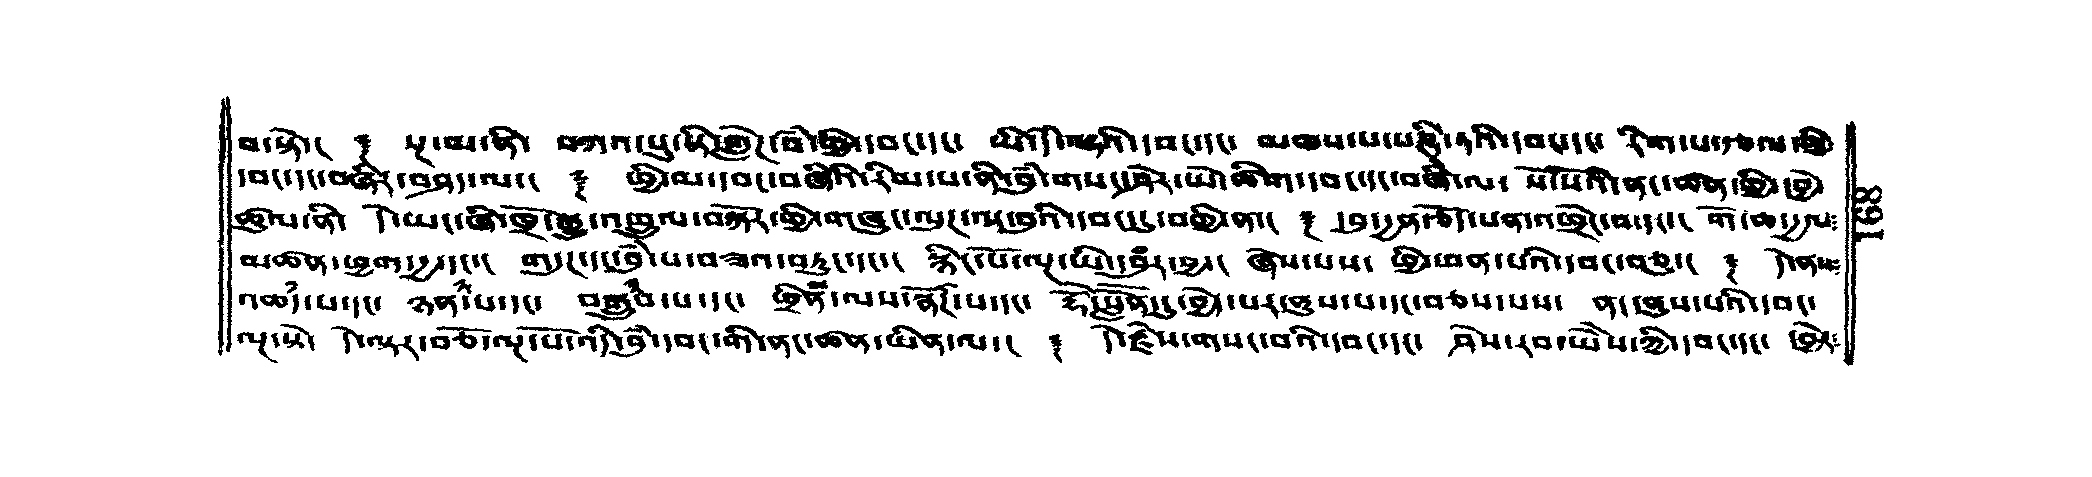བ་སྟེ། སྔ་མ་ནི། བཀའ་པོ་སྟི་གླེགས་བམ་གྱི་དབང་དང་། ཡི་དམ་ལྷའི་དབང་དང་། མཁས་པ་པཎྜིཏའི་དབང་དང་། རིག་པ་རྩལ་གྱི་
དབང་དང་བཞིར་བཤད་ལ། ཕྱི་མ་དབང་བཞིའི་རིམ་པ་ནི་བུམ་གསང་ཤེར་ཡེ་ཚིག་དབང་དང་བཞི་ལ། སོ་སོའི་ནང་ཚན་གྱི་དབྱེ་
ཚུལ་ནི། དེ་ཡང་ཞི་ཁྲོ་སྒྱུ་འཕྲུལ་བསྐོར་གྱི་གཞུང་ལུགས་ལྟ་བུའི་དབང་དུ་བགྱིས་ན། དབུ་རྒྱན་ཅོད་པན་འཕྲེང་བ་དང་། །གོ་ཆ་རྒྱལ་
མཚན་ཕྱག་རྒྱ་དང་། །གདུགས་དང་བུམ་པ་བཟའ་བཏུང་དང་། །སྙིང་པོ་ལྔ་ཡི་དབང་བསྐུར་བྱ། ཞེས་པས། ཕྱི་ཕན་པའི་དབང་བཅུ། དེ་ནས་
འཆད་པ་དང་། ཉན་པ་དང་། བསྒྲུབ་པ་དང་། ཕྲིན་ལས་སྣ་ཚོགས་པ་དང་། རྡོ་རྗེ་སློབ་དཔོན་དུ་བྱེད་པར་ནུས་པ་དང་བཅས་པས། ནང་ནུས་པའི་དབང་
ལྔ་སྟེ། དེ་ལྟར་བཅོ་ལྔ་པོ་འདི་བུམ་དབང་གི་ནང་ཚན་ཡིན་ལ། དེ་རྗེས་གསང་བའི་དབང་དང་། ཤེས་རབ་ཡེ་ཤེས་ཀྱི་དབང་དང་། དབྱེར་